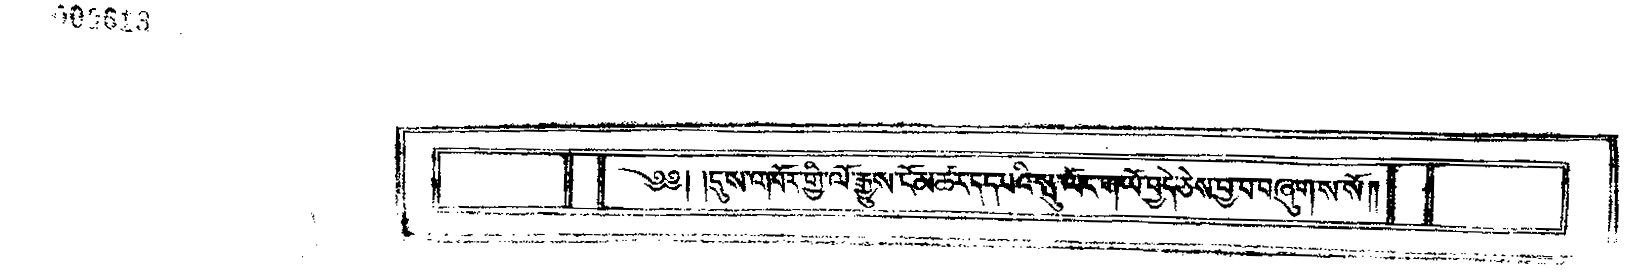༄༅། །དུས་འཁོར་གྱི་ལོ་རྒྱུས་ངོ་མཚར་དད་པའི་སྤུ་ལོང་གཡོ་བྱེད་ཅེས་བྱ་བ་བཞུགས་སོ། །